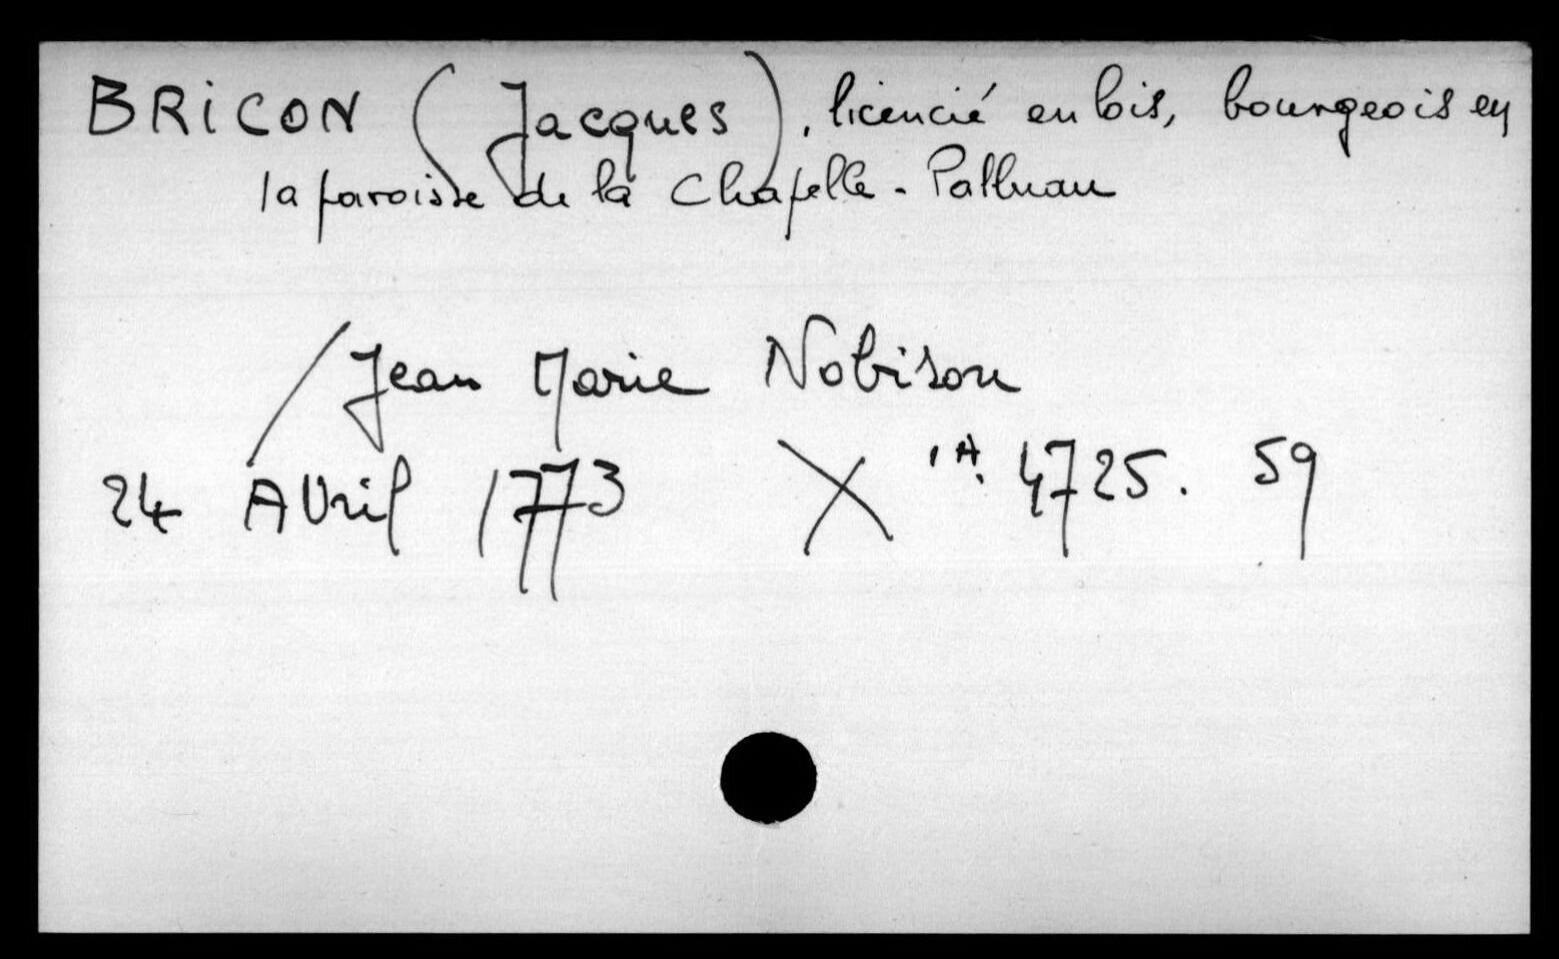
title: BRICON (Jacques), licencié en lois, bourgeois en la paroisse de la Chapelle-Palluau
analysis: Contre Jean Marie Nobison
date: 24 avril 1773
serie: X1A
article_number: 4725
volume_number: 59
